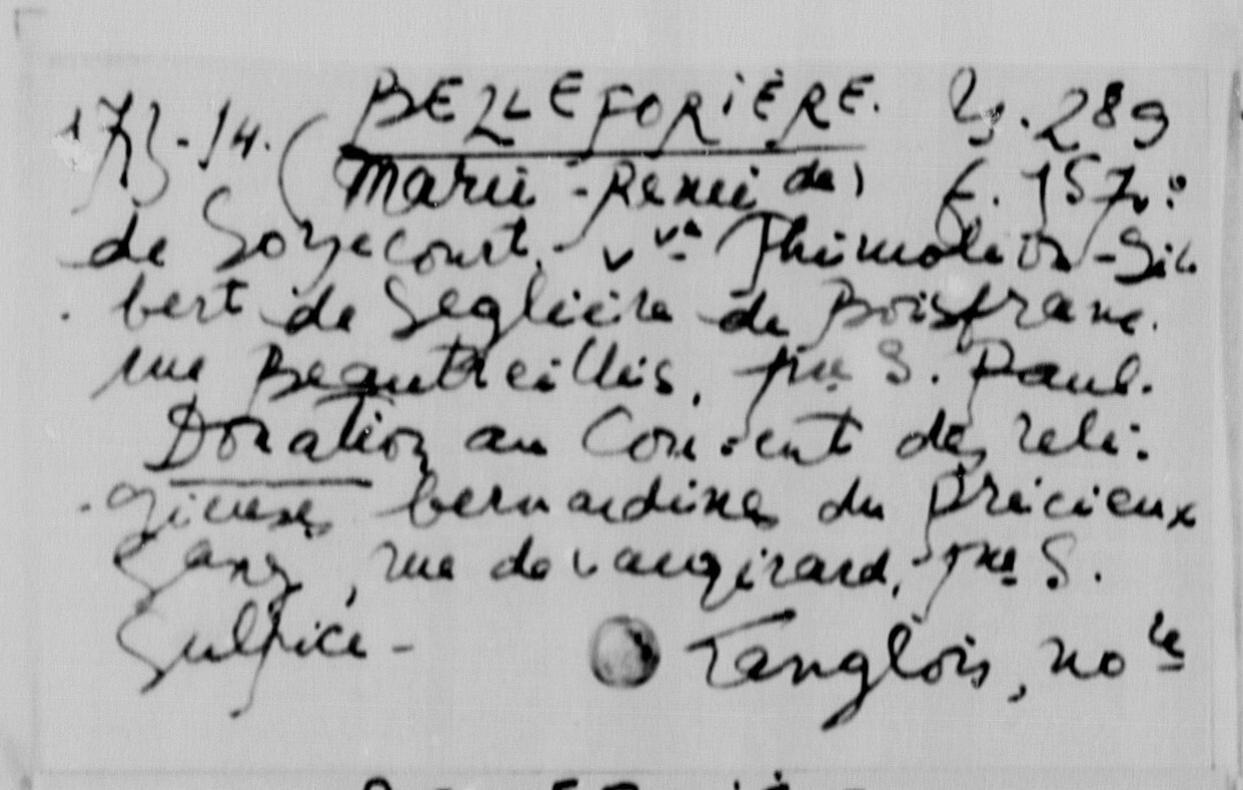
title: BELLEFORIERE (Marie-Renée de)
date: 1713-1714
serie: Y
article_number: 289
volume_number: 157v
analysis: de Soyecourt veuve Thimoléon, Gilbert de Seglière de Boisfranc, rue Beautreillis, paroisse Saint Paul. Donation au couvent des religieuses bernardines du Précieux sang, rue de Vaugirard, paroisse Saint-Sulpice. Langlois, notaire
